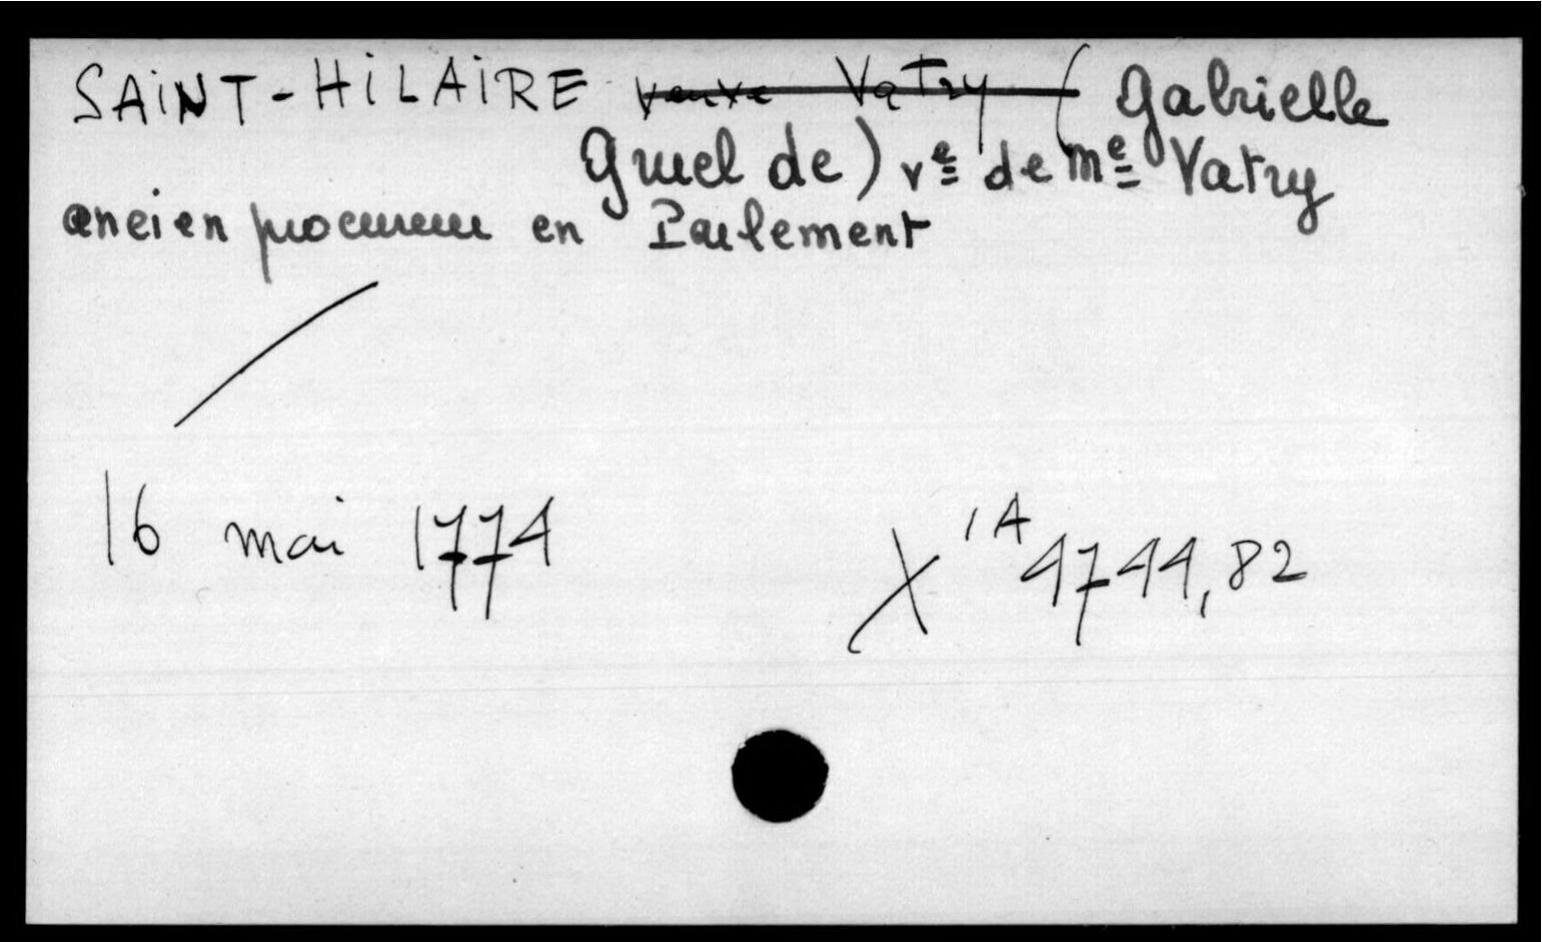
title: SAINT-HILAIRE (Gabrielle Gruel de), veuve de maître Vatry ancien procureur en Parlement
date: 16 mai 1774
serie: X1A
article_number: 4744
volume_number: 82
